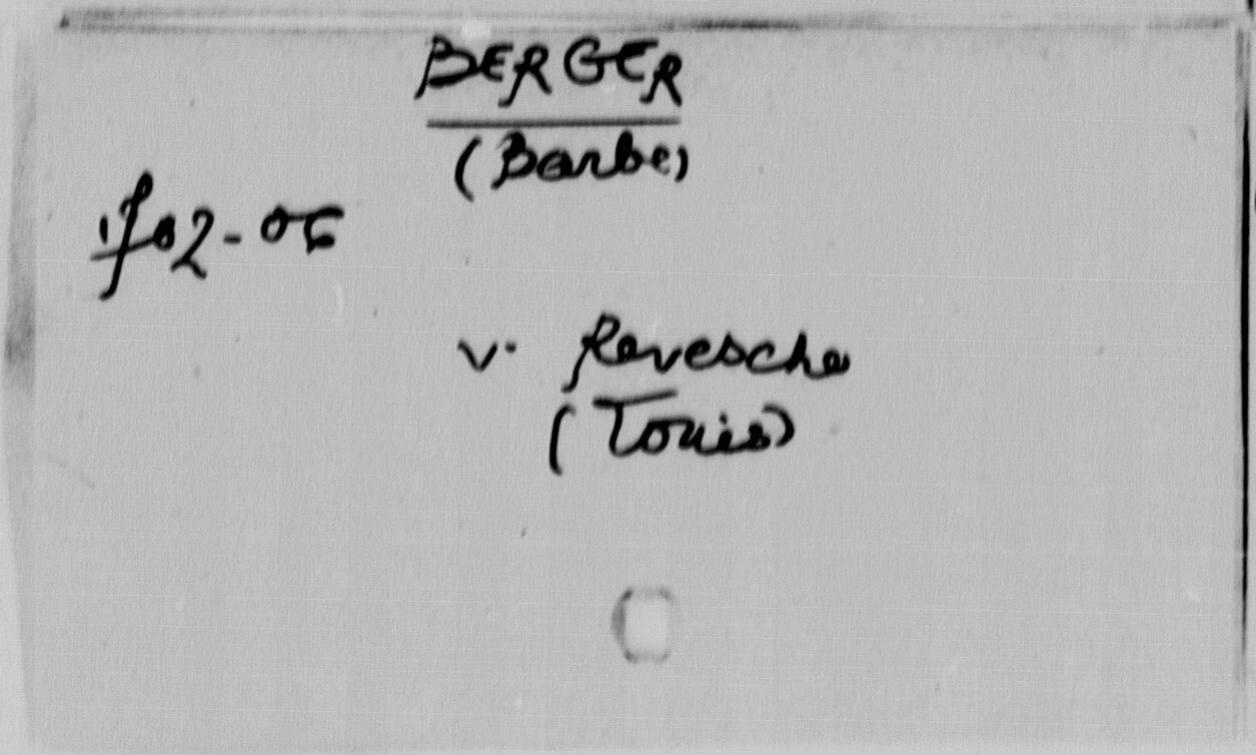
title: BERGER (Barbe)
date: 1702-1706
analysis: Voir : REVESCHE (Louis)
